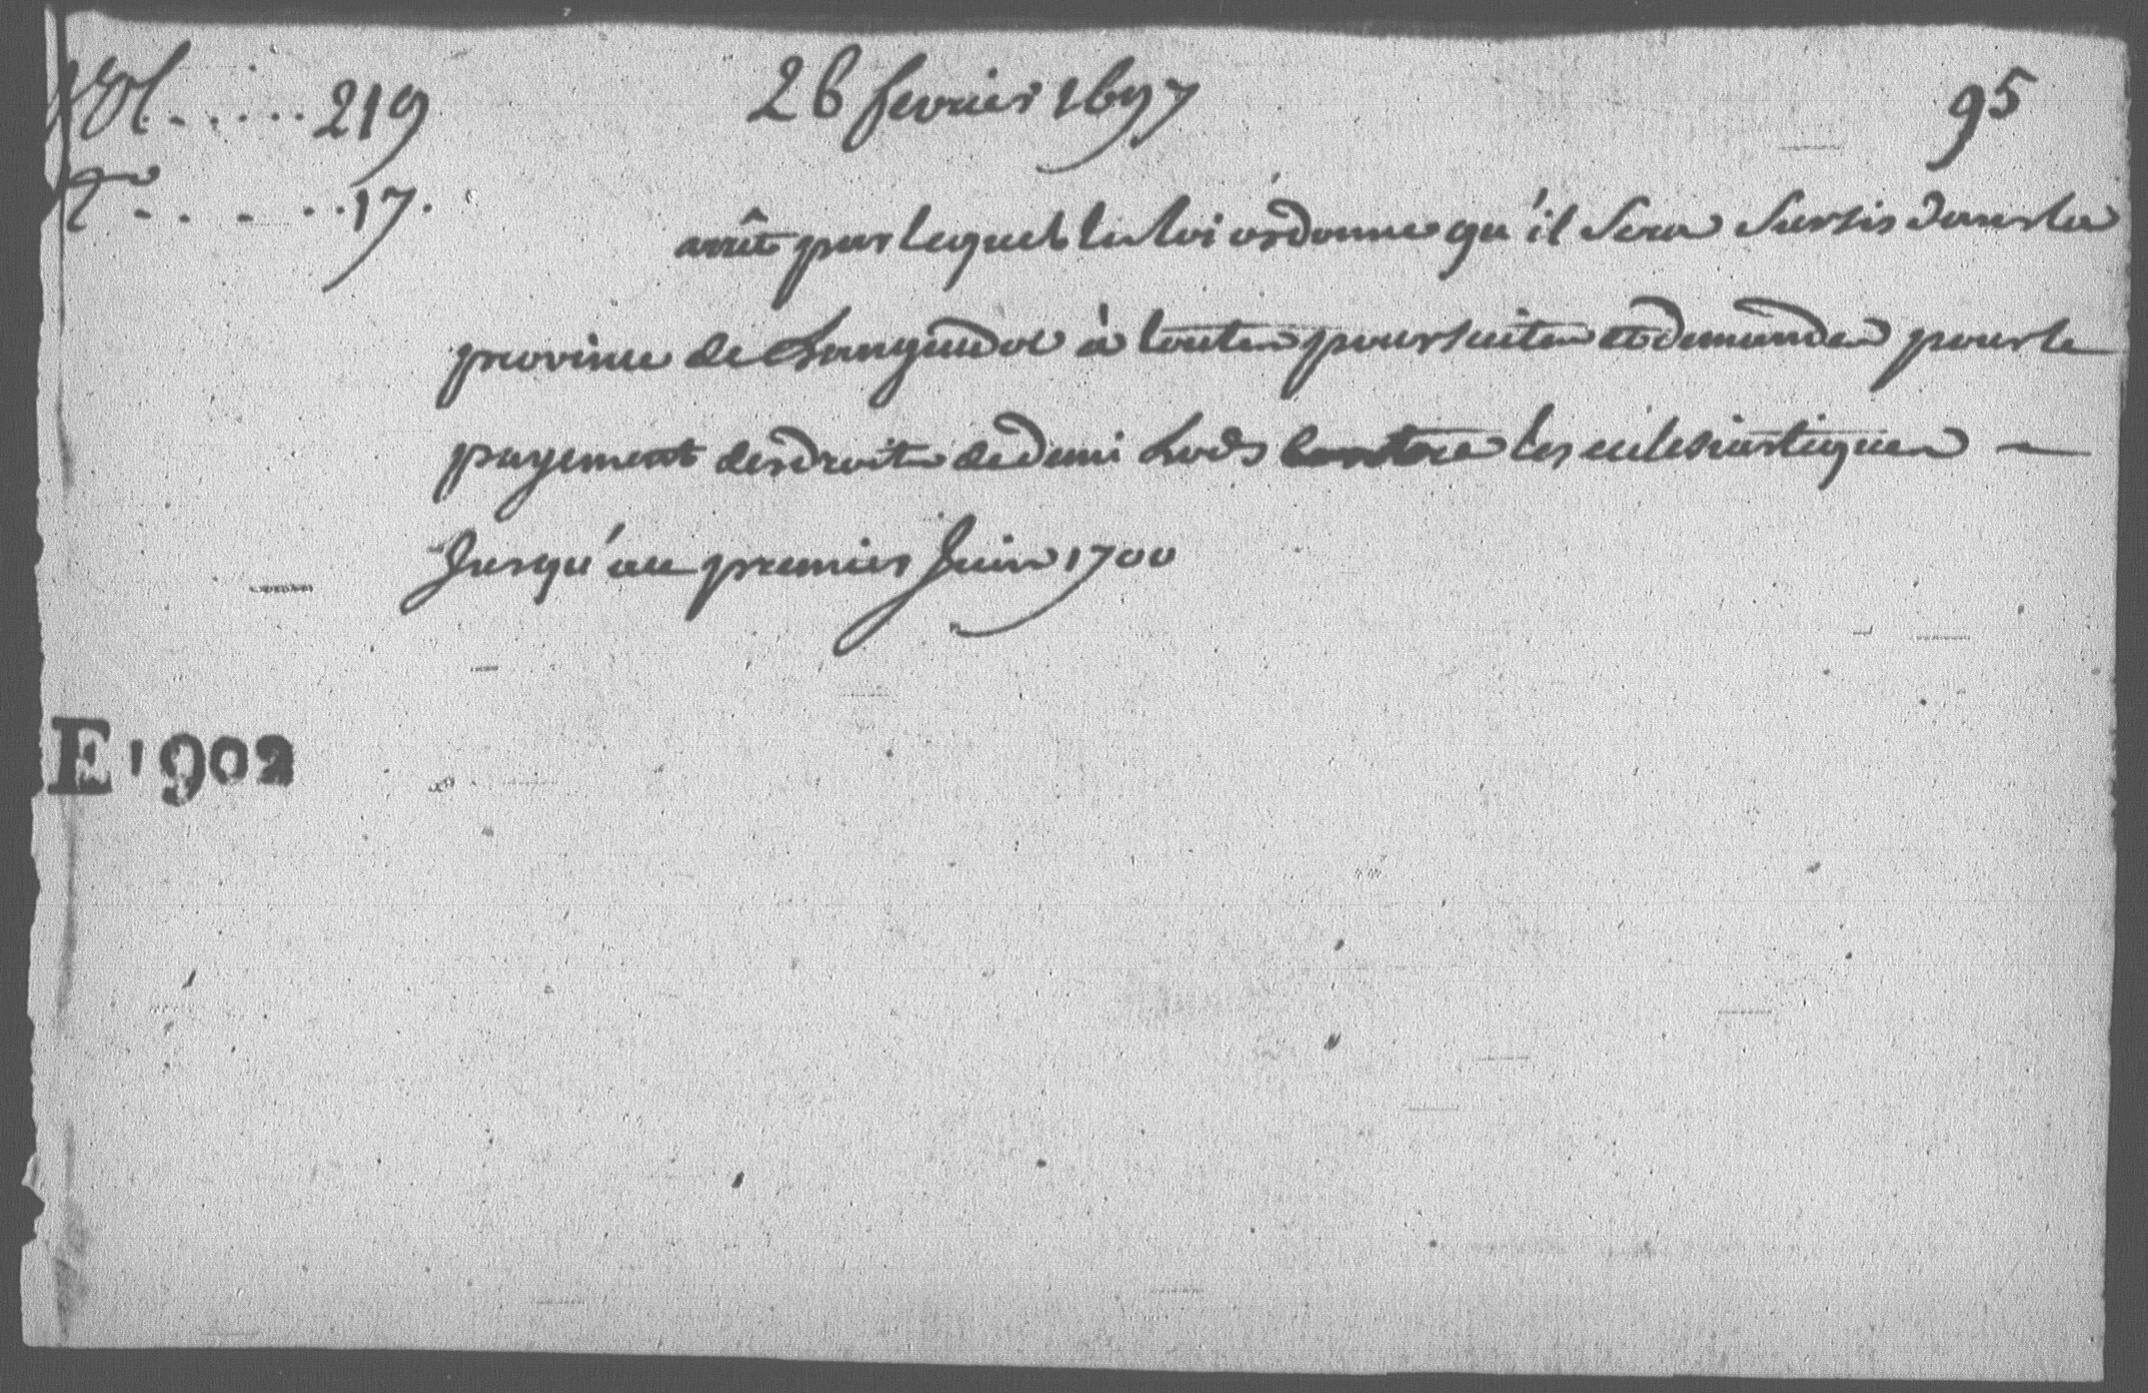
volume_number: n°17
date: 26 février 1697
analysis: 95
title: arrêt par lequel le Roi ordonne qu'il sera sursis dans la province de Languedoc à toutes poursuites et demandes pour le payement des droits de demi Lods contre les ecclesiastiques jusqu'au premier juin 1700.
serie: E
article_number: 1902
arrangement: vol. 219
